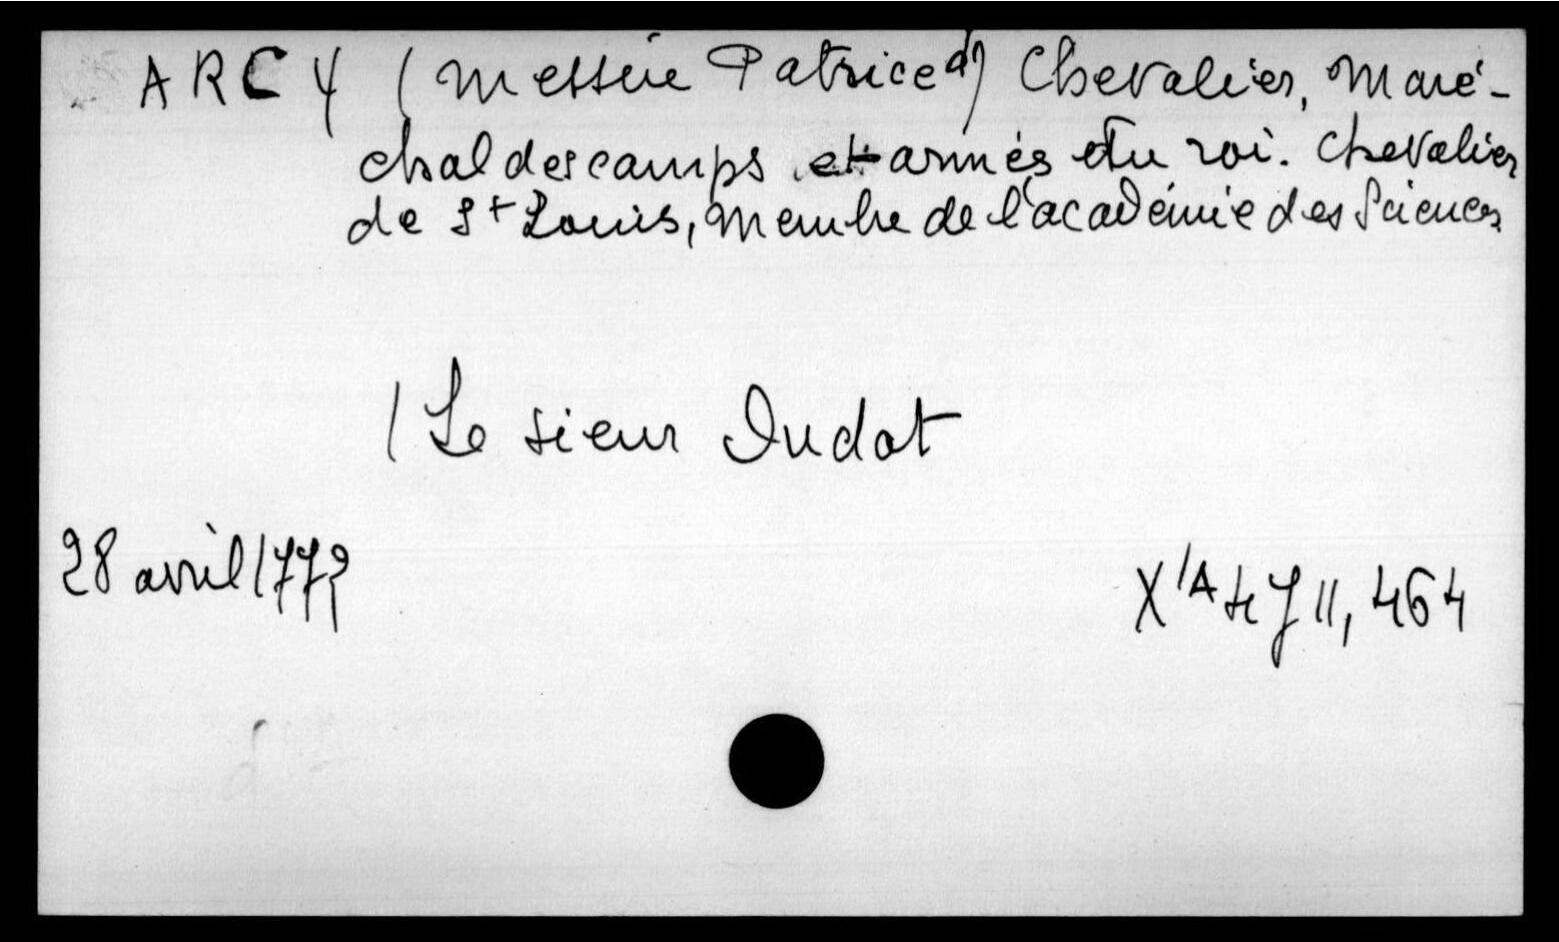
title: ARCY (messire Patrice d') Chevalier, maréchal des camps et armées du roi, chevalier de Saint-Louis, membre de l'académie des Sciences
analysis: Contre le sieur Oudot
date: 28 avril 1772
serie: X1A
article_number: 4711
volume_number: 464
